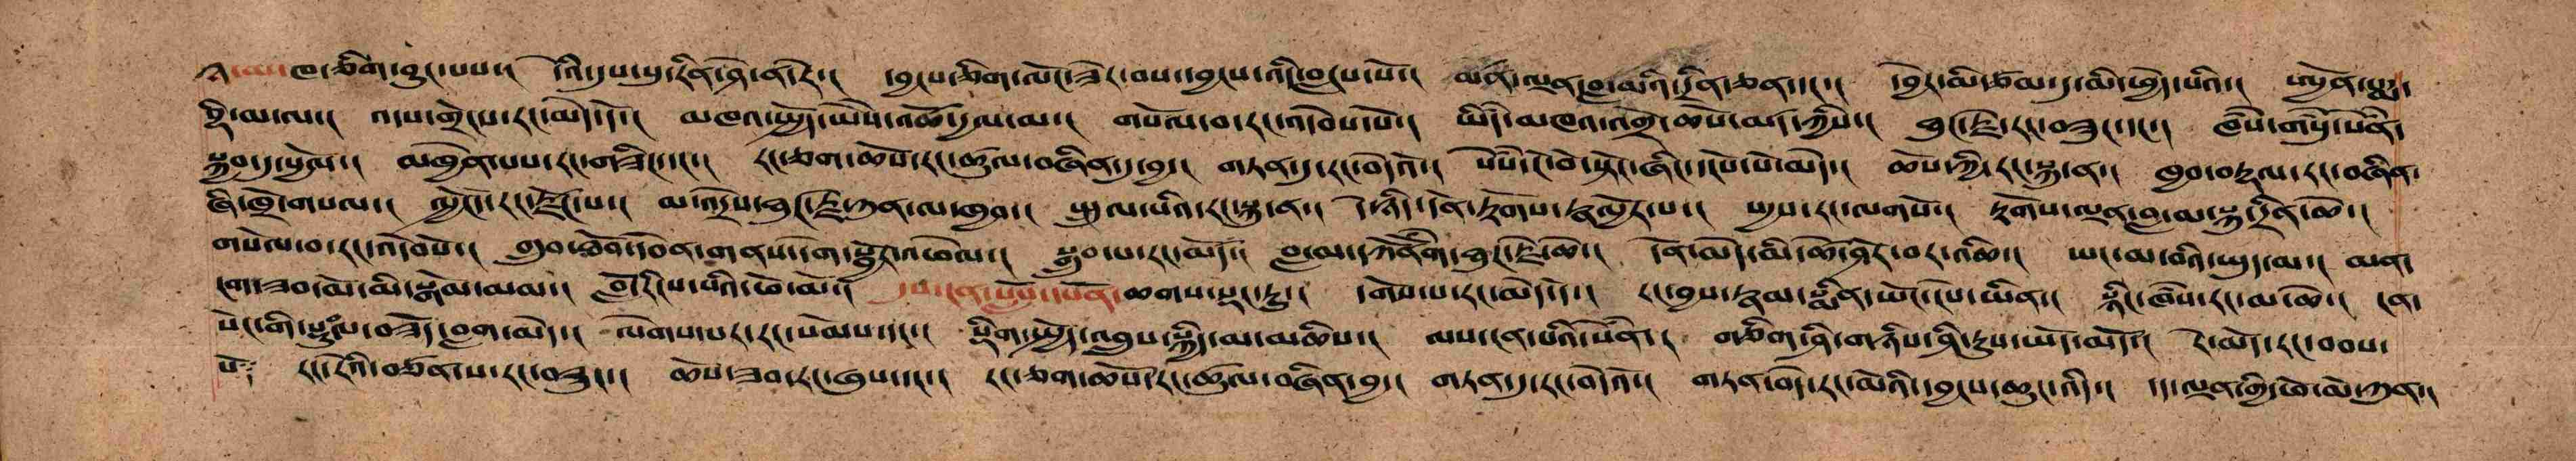ཉ་ལ་ཁ་ཅིག་བྱུང་པས།། དེའི་དུས་སུ་རིན་ཤེ་ན་རེ།། དབྱངས་ཅིག་ལོང་ཟེར་བས་དབྱངས་འདི་བླངས་སོ།། མཚན་ལྡན་བླ་མའི་དྲིན་ཅན་དང་།། དབྱེར་མི་ཙམ་དུ་མི་ཕྱེད་པའི།། ཨོ་རྒྱན་པདྨ་
བི་མ་ལ།། འདས་གྲོངས་རང་མེད་དོ།། མཁའ་སྤྱོད་ཡེ་ཤེས་མཚོ་རྒྱལ་མ།། གསོལ་བ་འདེབས་སོ་རང་འདེབས་སོ།། ཡིད་དམ་མཁའ་འགྲོ་ཆོས་མཛད་ཀྱིས།། ཐུགས་རྗེས་རང་བཟུང་དང་།། ཁམས་གསུམ་སེམས་ཅན་
སྐྱབ་ཏུ་གསོལ།། མཁྱེན་པས་རང་གཟིགས་དང་།། རང་ཅག་ཆོས་རང་ཚུལ་བཞིན་དུ་བྱ།། གཏན་དུ་རང་བདེའོ།། སེམས་ངོ་བོ་སྟོང་ཞིང་དངོས་པོ་མེད།། ཆོས་ཀྱི་རང་སྐུ་ན།། ཁྱབ་བརྡལ་རང་བཞིན་
ཞི་ཁྲོ་གསལ།། ལོངས་སྤྱོད་རང་རྫོགས་པ།། མ་འདྲེས་ཐུགས་རྗེ་ཀུན་ལ་ཁྱབ།། སྤྲུལ་པའི་རང་སྐུ་ན།། དེ་ཉིད་དོན་རྟོགས་རྣལ་འབྱོར་པ།། སངས་རྒྱས་རང་ལགསོ། རྟོགས་ལྡན་བླ་མ་སྐུ་དྲིན་ཆེ། 
དོན་མེད་མི་ཚེ་ཤོར་བར་འཆི།། ཡང་མ་བའི་ཡུད་ལ།། མན་
ངག་ཟབ་མོ་མི་སྒོམ་མམ།། བློ་རིངས་པའི་ཕོ་མོ།། དུས་ངན་སློབ་དཔོན་ཆགས་སྡང་རྒྱུ།། དགོས་པ་རང་མེད་དོ།། རང་བྱས་རྣམ་སྨིན་ཡོང་ངེས་ཡིན།། སྙིང་ཁམས་རང་མ་ཆེ།། ངན་
སོང་གི་སྡུག་བསྔལ་བཟོད་བླག་མེད།། ལེགས་པར་རང་སེམས་དང་།། སྡིག་སྤྱོད་འབྲས་བུ་སྐྱིད་མ་མཆིས།། ལས་ངན་པའི་སེམས་ཅན།། གཅིག་ཤི་གཉིས་ཤི་རྒྱུས་ཡོད་མཛོད།། རེ་མེད་རང་བབས་
སོ།། རང་རེའི་བཙན་ས་བཟུང་།། ཆོས་ཟབ་རང་ཞུས་དང་།། རང་ཅག་ཆོས་རང་ཚུལ་བཞིན་བྱ།། གཏན་དུ་རང་བདེ་རང་མོའི་དབྱངས་ཆུང་འདི།། དད་ལྡན་གྱི་ཕོ་མོ་ཀུན།།